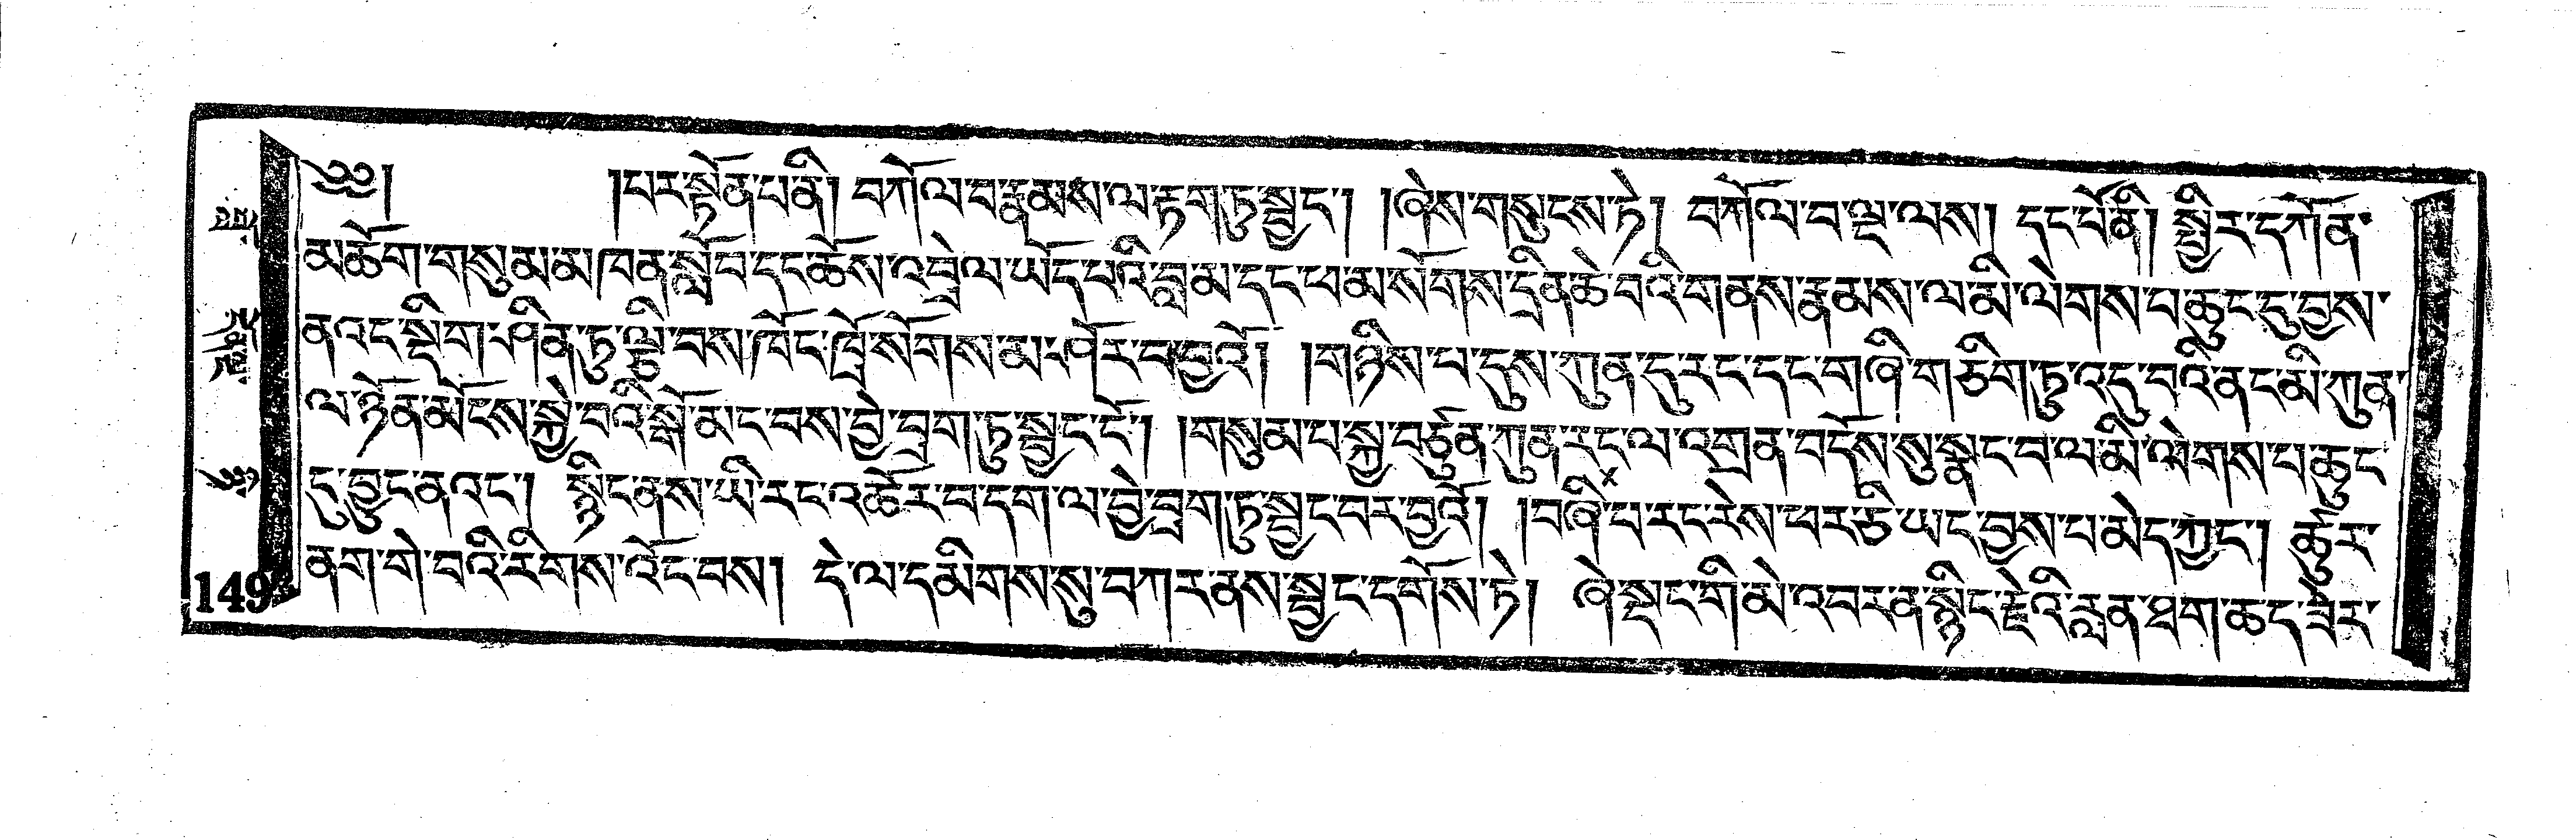༄༅། །པར་སྟོན་པ་ནི། བཀོལ་བ་རྣམས་ལ་རྟག་ཏུ་སྦྱང་། །ཞེས་གསུངས་ཏེ། བཀོལ་བ་ལྔ་ལས། དང་པོ་ནི། སྤྱིར་དཀོན་
མཆོག་གསུམ་མཁན་སློབ་དང་ཆོས་འབྲེལ་ཡོད་པའི་བླ་མ་དང་ཕ་མ་སོགས་དྲིན་ཆེ་བའི་གནས་རྣམས་ལ་མི་ལེགས་པ་ཆུང་ངུ་བྱས་
ནའང་སྡིག་ཤིན་ཏུ་ལྕི་བས་ཁོང་ཁྲོ་སོགས་མ་ཤོར་བ་བྱའོ། །གཉིས་པ་དུས་ཀུན་དུ་རང་དང་གཞི་གཅིག་ཏུ་འདུ་བའི་ནང་མི་ཀུན་
ལ་ཉོན་མོངས་སྐྱེ་བའི་སྒོ་མང་བས་བྱེ་བྲག་ཏུ་སྦྱང་ངོ། །གསུམ་པ་སྐྱ་བཙུན་ཀུན་རང་྾་ལ་འགྲན་བདོས་སུ་སྣང་བ་ལ་མི་ལེགས་པ་ཆུང་
དུ་བྱུང་ནའང་། སྙིང་ནས་ཡི་རང་འཚོར་བ་དག་ལ་བྱེ་བྲག་ཏུ་སྦྱང་བར་བྱའོ། །བཞི་པ་རང་རེས་ཕར་ཅི་ཡང་བྱས་པ་མེད་ཀྱང་། ཚུར་
ནག་གེ་བའི་རིགས་འོང་བས། དེ་ལ་དམིགས་སུ་བཀར་ནས་སྦྱང་དགོས་ཏེ། ཞེ་སྡང་གི་མེ་འབར་ན་སྙིང་རྗེའི་རླན་ཐག་ཆད་ཟེར་